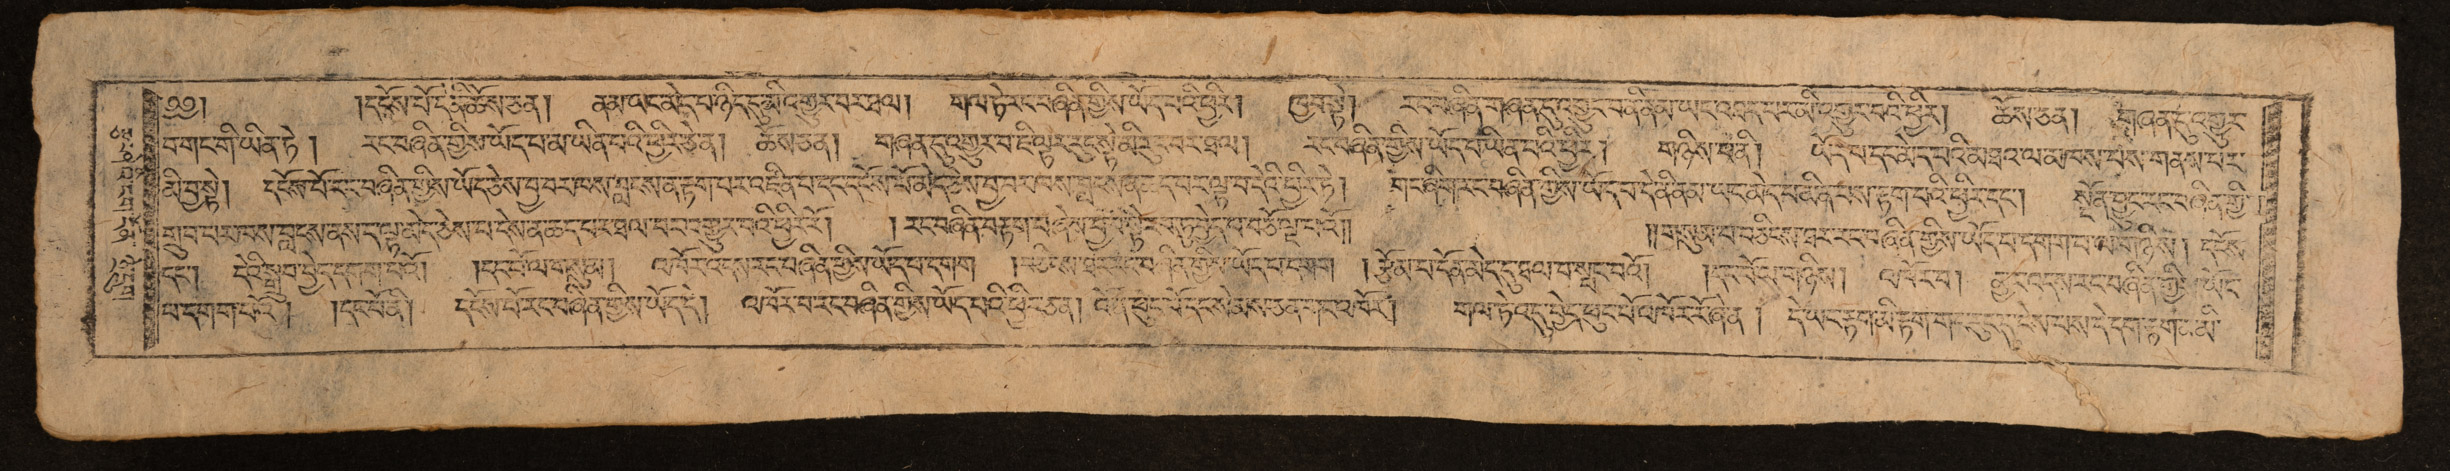༄༅། །དངོས་པོ་དེ་ནི་ཆོས་ཅན། ནམ་ཡང་མེད་པ་ཉིད་དུ་མི་འགྱུར་བར་ཐལ། གལ་ཏེ་རང་བཞིན་གྱིས་ཡོད་པའི་ཕྱིར། ཁྱབ་སྟེ། རང་བཞིན་གཞན་དུ་འགྱུར་བ་ནི་ནམ་ཡང་འཐད་པར་མི་འགྱུར་བའི་ཕྱིར། ཆོས་ཅན། གཞན་དུ་འགྱུར་
བ་གང་གི་ཡིན་ཏེ། རང་བཞིན་གྱིས་ཡོད་པ་མ་ཡིན་པའི་ཕྱིར་ཅེ་ན། ཆོས་ཅན། གཞན་དུ་འགྱུར་བ་ཇི་ལྟར་རུང་སྟི་མི་རུང་བར་ཐལ། རང་བཞིན་གྱིས་ཡོད་པ་ཡིན་པའི་ཕྱིར། གཉིས་པ་ནི། ཡོད་པ་དང་མེད་པའི་མཐའ་ལ་མཁས་པས་གནས་པར་
མི་བྱ་སྟེ། དངོས་པོ་རང་བཞིན་གྱིས་ཡོད་ཅེས་བྱ་བར་ཁས་བླངས་ན་རྟག་པར་འཛིན་པ་དང་དངོས་པོ་མེད་ཅེས་བྱ་བར་ཁས་བླངས་ན་ཆད་པར་ལྟ་བ་དེའི་ཕྱིར་ཏེ། གང་ཞིག་རང་བཞིན་གྱིས་ཡོད་པ་དེ་ནི་ནམ་ཡང་མེད་པ་མིན་པས་རྟག་པའི་ཕྱིར་དང་། སྔོན་བྱུང་རང་བཞིན་གྱིས་
གྲུབ་པར་ཁས་བླངས་ནས་ད་ལྟ་མེད་ཅེས་པ་དེས་ན་ཆད་པར་ཐལ་བར་འགྱུར་བའི་ཕྱིར་རོ། །རང་བཞིན་བརྟག་པ་ཞེས་བྱ་བ་སྟེ་རབ་ཏུ་བྱེད་པ་བཅོ་ལྔ་པའོ།། །།གསུམ་པ་བཅིངས་ཐར་རང་བཞིན་གྱིས་ཡོད་པ་དགག་པ་ལ་གཉིས། དངོས་
དང་། དེའི་སྒྲུབ་བྱེད་དགག་པའོ། །དང་པོ་ལ་གསུམ། འཁོར་འདས་རང་བཞིན་གྱིས་ཡོད་པ་དགག །བཅིངས་ཐར་རང་བཞིན་གྱིས་ཡོད་པ་དགག །རྩོམ་པ་དོན་མེད་དུ་ཐལ་བ་སྤང་བའོ། །དང་པོ་ལ་གཉིས། འཁོར་བ། མྱང་འདས་རང་བཞིན་གྱིས་ཡོད་
པ་དགག་པའོ། །དང་པོ་ནི། དངོས་པོ་རང་བཞིན་གྱིས་ཡོད་དེ། འཁོར་བ་རང་བཞིན་གྱིས་ཡོད་པའི་ཕྱིར་ཅེ་ན། འོ་ན་ཕུང་པོ་དང་སེམས་ཅན་གང་འཁོར། གལ་ཏེ་འདུ་བྱེད་ཕུང་པོ་འཁོར་རོ་ཞེ་ན། དེ་ཡང་རྟག་མི་རྟག་གང་རུང་དུ་ངེས་པས་དེ་དག་རྟག་ན་མི་